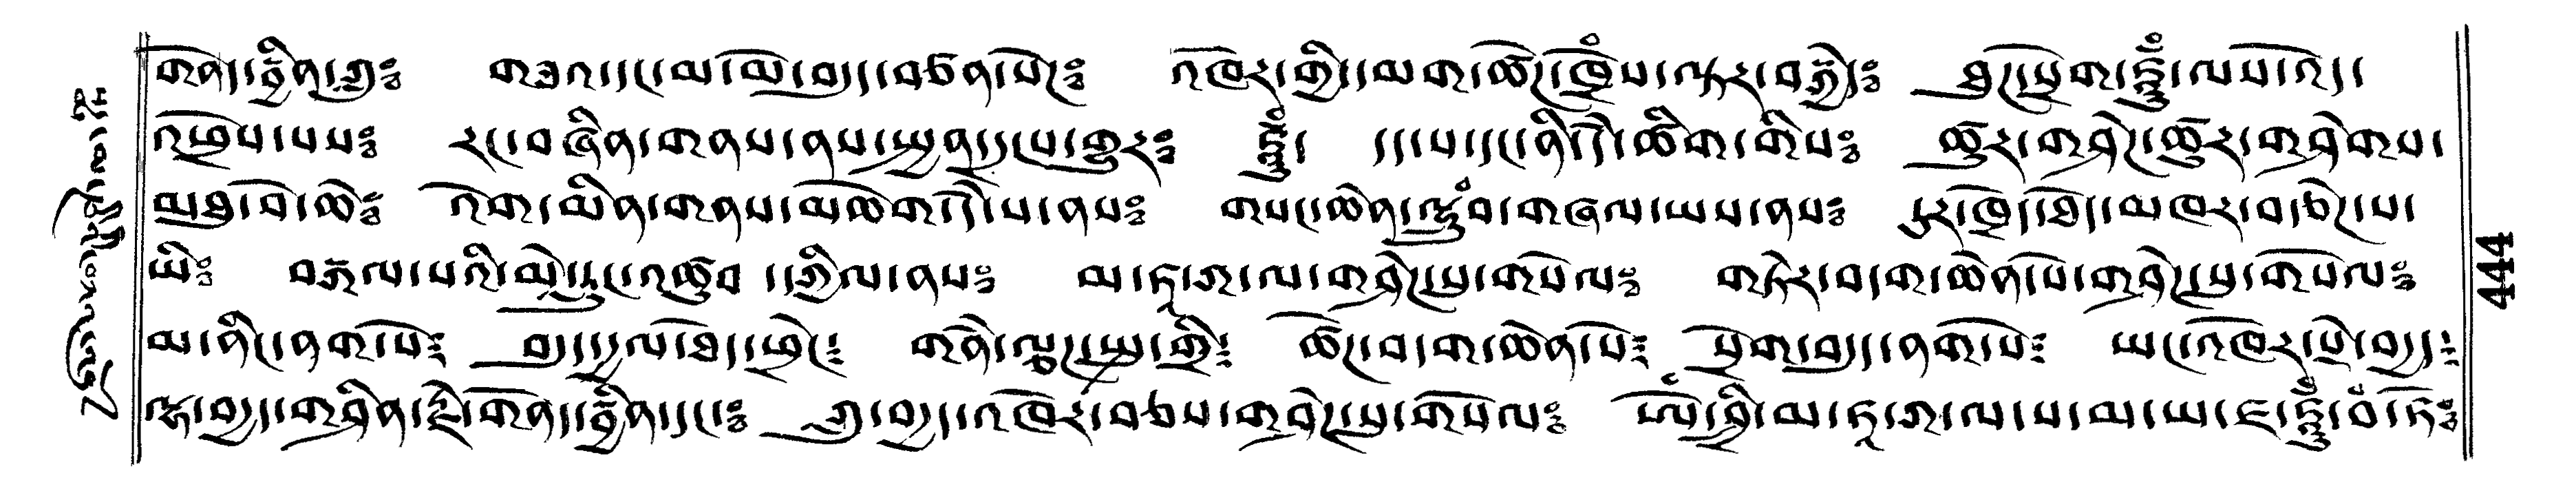གནོད་སྦྱིན་ཀླུ༔ གཟའ་དང་མ་མོ་བདུད་བཙན་སོགས༔ འཁོར་གྱི་དམག་ཚོགས་ཁྲོམས་ལྟར་བསྐྱེད༔ ཐུགས་སྲོག་ཧཱུྃ་ལས་འོད་
འཕྲོས་པས༔ རང་བཞིན་གནས་ནས་སྤྱན་དྲངས་གྱུར༔ ཧཱུྃ༔ དད་པ་དང་ནི་དམ་ཚིག་གིས༔ ཚུར་གཤེགས་ཚུར་གཤེགས་
མཐུ་བོ་ཆེ༔ འོག་མིན་གནས་མཆོག་དམ་པ་ནས༔ གསང་ཆེན་ལྷུན་གྲུབ་གཞལ་ཡས་ནས༔ དུར་ཁྲོད་ཐོད་མཁར་བརྩེགས་པ་
ཡི༔ བསྐལ་པའི་མེ་རླུང་འཚུབ་དཀྱིལ་ནས༔ མ་ཧཱ་ཀ་ལ་གཤེགས་སུ་གསོལ༔ གཏེར་བདག་ཆེན་པོ་གཤེགས་སུ་གསོལ༔ 
མ་ནིང་ནག་པོ༴ བདུད་རྒྱལ་ཐོད་ཕྲེང༴ གནམ་ལྕགས་སྤུ་གྲི༴ ཚོགས་བདག་ཆེན་པོ༴ སྲོག་བདུད་ནག་པོ༴ ཡང་འཁོར་སྡེ་བརྒྱད༴ 
ལྷ་བརྒྱད་གཤིན་རྗེ་གནོད་སྦྱིན་དང༔ ཀླུ་བརྒྱད་འཁོར་བཅས་གཤེགས་སུ་གསོལ༔ ཨོཾ་ཤྲི་མ་ཧཱ་ཀ་ལ་ས་མ་ཡ་ཛ་ཧཱུྃ་བྃ་ཧོཿ